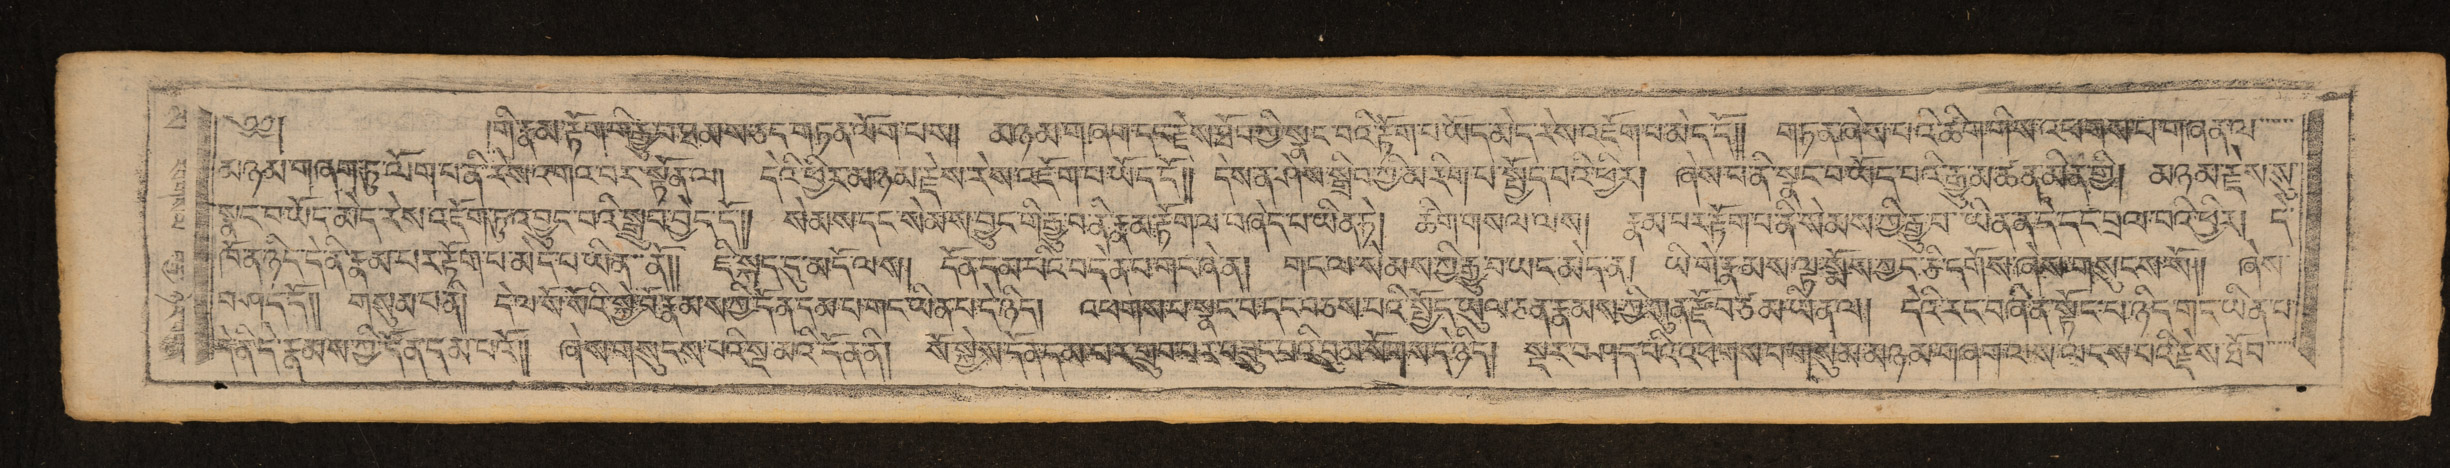༄༅། །གི་རྣམ་རྟོག་གི་རྒྱུ་བ་ཐམས་ཅད་གཏན་ལོག་པས། མཉམ་གཞག་དང་རྗེས་ཐོབ་ཀྱི་སྣང་བའི་རྟོག་པ་ཡོད་མེད་རེས་འཇོག་པ་མེད་དོ།། གཏན་ཞེས་པའི་ཚིག་གིས་འཕགས་པ་གཞན་ལ་
མཉམ་གཞག་ཏུ་ལོག་པ་ནི་རེས་འགའ་བར་སྟོན་ལ། དེའི་ཕྱིར་མཉམ་རྗེས་རེས་འཇོག་པ་ཡོད་དོ།། དེས་ན་ཤེས་སྒྲིབ་ཀྱི་མ་རིག་པ་སྤྱོད་པའི་ཕྱིར། ཞེས་པ་ནི་སྣང་བ་ཡོད་པའི་རྒྱུ་མཚན་མིན་གྱི། མཉམ་རྗེས་སུ་
སྣང་བ་ཡོད་མེད་རེས་འཇོག་ཏུ་འབྱུང་བའི་སྒྲུབ་བྱེད་དོ།། སེམས་དང་སེམས་བྱུང་གི་རྒྱུ་བ་ནི་རྣམ་རྟོག་ལ་བཞེད་པ་ཡིན་ཏེ། ཚིག་གསལ་ལས། རྣམ་པར་རྟོག་པ་ནི་སེམས་ཀྱི་རྒྱུ་བ་ཡིན་ན་དེ་དང་བྲལ་བའི་ཕྱིར། དེ་
ཁོ་ན་ཉིད་དེ་ནི་རྣམ་པར་རྟོག་པ་མེད་བ་ཡིན་ནོ།། ཇི་སྐད་དུ་མདོ་ལས། དོན་དམ་པའི་བདེན་པ་གང་ཞེ་ན། གང་ལ་སེམས་ཀྱི་རྒྱུ་བ་ཡང་མེད་ན། ཡི་གེ་རྣམས་ལྟ་སྨོས་ཀྱང་ཅི་དགོས་ཞེས་གསུངས་སོ།། ཞེས་
བཤད་དོ།། གསུམ་པ་ནི། དེ་ལ་སོ་སོའི་སྐྱེ་བོ་རྣམས་ཀྱི་དོན་དམ་པ་གང་ཡིན་པ་དེ་ཉིད།། འཕགས་པ་སྣང་བ་དང་བཅས་པའི་སྤྱོད་ཡུལ་ཅན་རྣམས་ཀྱི་ཀུན་རྫོབ་ཙམ་ཡིན་ལ། དེའི་རང་བཞིན་སྟོང་པ་ཉིད་གང་ཡིན་པ་
དེ་ནི་དེ་རྣམས་ཀྱི་དོན་དམ་པའོ།། ཞེས་གསུངས་པའི་སྔ་མའི་དོན་ནི། སོ་སྐྱེས་དོན་དམ་པར་གྲུབ་པར་བཟུང་བའི་བུམ་སོགས་དེ་ཉིད། སྔར་བཤད་པའི་འཕགས་པ་གསུམ་མཉམ་གཞག་ལས་ལངས་པའི་རྗེས་ཐོབ་